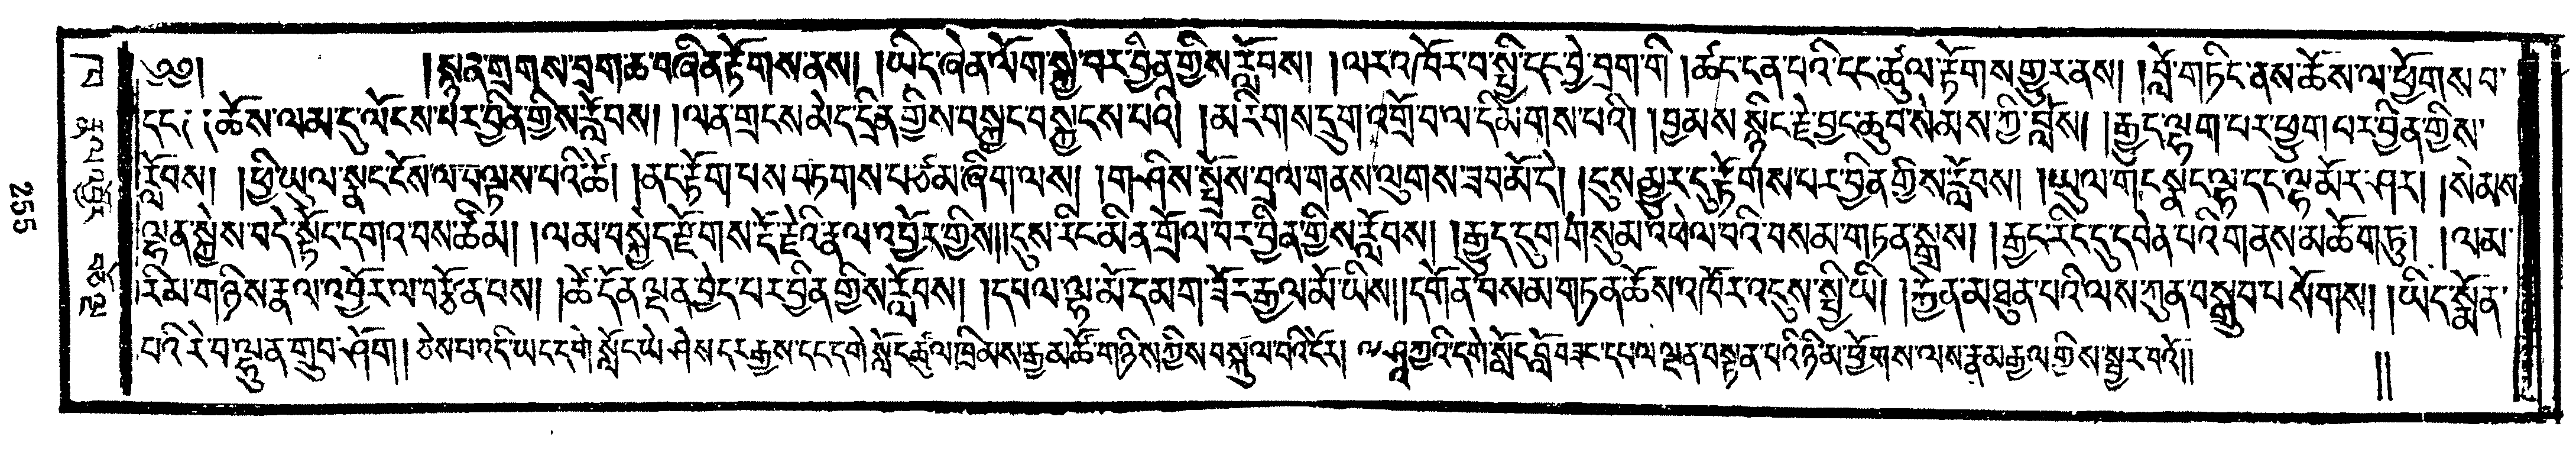༄༅། །སྙན་གྲགས་བྲག་ཆ་བཞིན་རྟོགས་ནས། །ཡིད་ཞེན་ལོག་སྐྱེ་བར་བྱིན་གྱིས་རློབས། །ལར་འཁོར་བ་སྦྱི་དང་བྱེ་བྲག་གི །ཚང་ངན་པའི་ངང་ཚུལ་རྟོགས་གྱུར་ནས། །བློ་གཏིང་ནས་ཆོས་ལ་ཕྱོགས་པ་
དང༑ ༑ཆོས་ལམ་དུ་ལོངས་པར་བྱིན་གྱིས་རློབས། །ལན་གྲངས་མེད་དྲིན་གྱིས་བསྐྱང་བསྐྱངས་པའི། །མ་རིགས་དྲུག་འགྲོ་བ་ལ་དམིགས་པའི། །བྱམས་སྙིང་རྗེ་བྱང་ཆུབ་སེམས་ཀྱི་བློས། །རྒྱུད་ལྷག་པར་ཕྱུག་པར་བྱིན་གྱིས་
རློབས། །ཕྱི་ཡུལ་སྣང་ངོས་ལ་བལྟས་པའི་ཚེ། །ནང་རྟོག་པས་བཏགས་པ་ཙམ་ཞིག་ལས། །གཤིས་སྤྲོས་བྲལ་གནས་ལུགས་ཟབ་མོ་དེ། །དུས་མྱུར་དུ་རྟོགས་པར་བྱིན་གྱིས་རློབས། །ཡུལ་གང་སྣང་ལྷ་དང་ལྷ་མོར་ཤར། །སེམས་
ལྷན་སྐྱེས་བདེ་སྟོང་དགའ་བས་ཚིམ། །ལམ་བསྐྱེད་རྫོགས་རྡོ་རྗེའི་རྣལ་འབྱོར་གྱིས། །དུས་རིང་མིན་གྲོལ་བར་བྱིན་གྱིས་རློབས། །རྒྱུད་དུག་གསུམ་འཕེལ་བའི་བསམ་གཏན་སྒྲས། །རྒྱང་རིང་དུ་དབེན་པའི་གནས་མཆོག་ཏུ། །ལམ་
རིམ་གཉིས་རྣལ་འབྱོར་ལ་བརྩོན་པས། །ཚེ་དོན་ལྡན་བྱེད་པར་བྱིན་གྱིས་རློབས། །དཔལ་ལྷ་མོ་དམག་ཟོར་རྒྱལ་མོ་ཡིས། །དགོན་བསམ་གཏན་ཆོས་འཁོར་འདུས་སྦྱི་ཡི། །རྐྱེན་མཐུན་པའི་ལས་ཀུན་བསྒྲུབ་པ་སོགས། །ཡིད་སྨོན་
པའི་རེ་བ་ལྷུན་གྲུབ་ཤོག། ཅེས་པ་འདི་ཡང་དགེ་སློང་ཡེ་ཤེས་དར་རྒྱས་དང་དགེ་སློང་ཚུལ་ཁྲིམས་རྒྱ་མཚོ་གཉིས་ཀྱིས་བསྐུལ་བའི་ངོར། ༧་ཤཱཀྱའི་དགེ་སློང་བློ་བཟང་དཔལ་ལྡན་བསྟན་པའི་ཉི་མ་ཕྱོགས་ལས་རྣམ་རྒྱལ་གྱིས་སྦྱར་བའོ།། །།